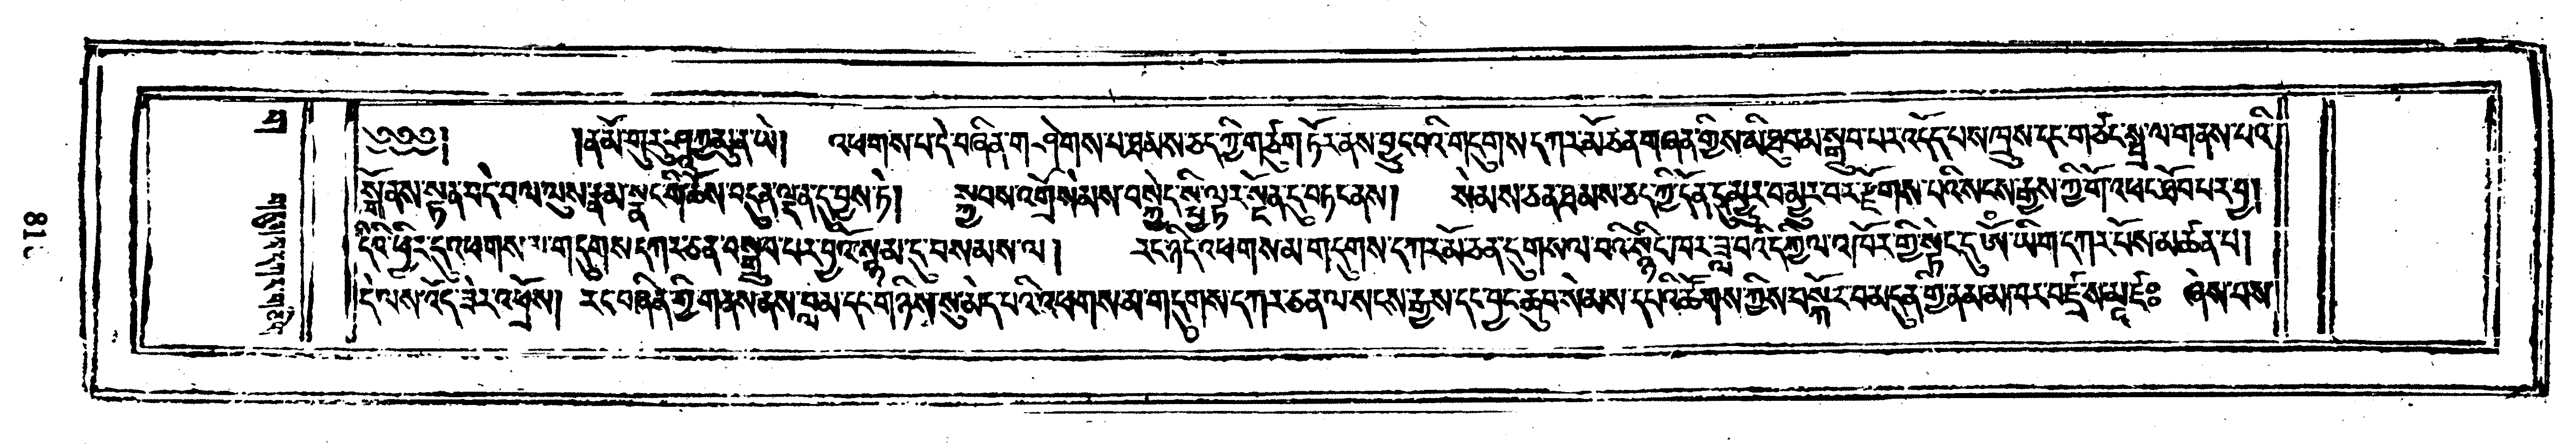༄༅༅། །ན་མོ་གུ་རུ་ཤཱཀྱ་མུ་ན་ཡེ། འཕགས་པ་དེ་བཞིན་གཤེགས་པ་ཐམས་ཅད་ཀྱི་གཙུག་ཏོར་ནས་བྱུང་བའི་གདུགས་དཀར་མོ་ཅན་གཞན་གྱིས་མི་ཐུབ་མ་སྒྲུབ་པར་འདོད་པས་ཁྲུས་དང་གཙང་སྦྲ་ལ་གནས་པའི་
སྒོ་ནས་སྟན་བདེ་བ་ལ་ལུས་རྣམ་སྣང་གི་ཆོས་བདུན་ལྡ་ན་དུ་བྱས་ཏེ། སྐྱབས་འགྲོ་སེམས་བསྐྱེད་སྤྱི་ལྟར་སྔོན་དུ་བཏང་ནས། སེམས་ཅན་ཐམས་ཅད་ཀྱི་དོན་དུ་མྱུར་བ་མྱུར་བར་རྫོགས་པའི་སངས་རྒྱས་ཀྱི་གོ་འཕང་ཐོབ་པར་བྱ།
དིའི་ཕྱིར་དུ་འཕགས་མ་གདུགས་དཀར་ཅན་བསྒྲུབ་པར་བྱའོ་སྙམ་དུ་བསམས་ལ། རང་ཉིད་འཕགས་མ་གདུགས་དཀར་མོ་ཅན་དུ་གསལ་བའི་སྙིང་ཁར་ཟླ་བའི་དཀྱིལ་འཁོར་གྱི་སྟེང་དུ་ཨོཾ་ཡིག་དཀར་པོས་མཚན་པ།
དེ་ལས་འོད་ཟེར་འཕྲོས། རང་བཞིན་གྱི་གནས་ནས་བླ་མ་དང་གཉིས་སུ་མེད་པའི་འཕགས་མ་གདུགས་དཀར་ཅན་ལ་སངས་རྒྱས་དང་བྱང་ཆུབ་སེམས་དཔའི་ཚོགས་ཀྱིས་བསྐོར་བ་མདུན་གྱི་ནམ་མཁར་བཛྲ་ས་མཱ་ཛཿ ཞེས་བས་